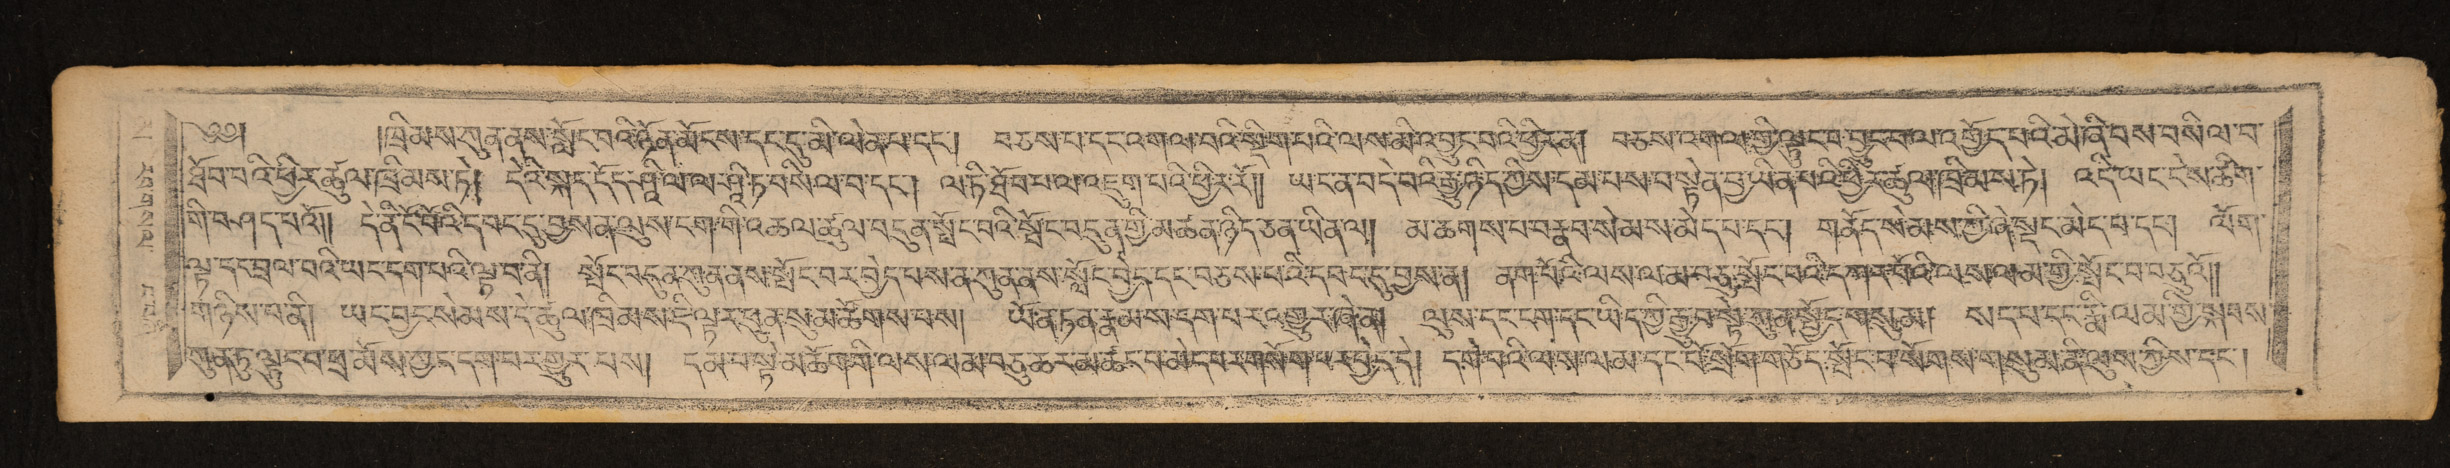༄༅། །ཁྲིམས་ཀུན་ནས་སློང་བའི་ཉོན་མོངས་དང་དུ་མི་ལེན་པ་དང་། བཅས་པ་དང་འགལ་བའི་སྡིག་པའི་ལས་མི་འབྱུང་བའི་ཕྱིར་ན། བཅས་འགལ་གྱི་ལྟུང་བ་བྱུང་བ་ལ་འགྱོད་པའི་མེ་ཞི་བས་བསིལ་བ་
ཐོབ་པའི་ཕྱིར་ཚུལ་ཁྲིམས་ཏེ། དེའི་སྐད་དོད་ཤཱིལ་ལ་ཤཱི་ཏ་བསིལ་བ་དང་། ལ་ཏི་ཐོབ་པ་ལ་འཇུག་པའི་ཕྱིར་རོ།། ཡང་ན་བདེ་བའི་རྒྱུ་ཉིད་ཀྱིས་དམ་པས་བསྟེན་བྱ་ཡིན་པའི་ཕྱིར་ཚུལ་ཁྲིམས་ཏེ། འདི་ཡང་ངེས་ཚིག་
གི་བཤད་པའོ།། དེ་ནི་ངོ་བོའི་དབང་དུ་བྱས་ན་ལུས་ངག་གི་འཆལ་ཚུལ་བདུན་སྤོང་བའི་སྤོང་བདུན་གྱི་མཚན་ཉིད་ཅན་ཡིན་ལ། མ་ཆགས་པ་བརྣབ་སེམས་མེད་པ་དང་། གནོད་སེམས་ཀྱི་ཞེ་སྡང་མེད་པ་དང་། ལོག་
ལྟ་དང་བྲལ་བའི་ཡང་དག་པའི་ལྟ་བ་ནི། སྤོང་བདུན་ཀུན་ནས་སྤོང་བར་བྱེད་པས་ན་ཀུན་ནས་སློང་བྱེད་དང་བཅས་པའི་དབང་དུ་བྱས་ན། ནག་པོའི་ལས་ལམ་བཅུ་སྤོང་བའི་དཀར་པོའི་ལས་ལམ་གྱི་སྤོང་བ་བཅུའོ།།
གཉིས་པ་ནི། ཡང་བྱང་སེམས་དེ་ཚུལ་ཁྲིམས་ཇི་ལྟར་ཕུན་སུམ་ཚོགས་པས། ཡོན་ཏན་རྣམས་དག་པར་འགྱུར་ཞེ་ན། ལུས་དང་ངག་དང་ཡིད་ཀྱི་རྒྱུ་བ་སྟེ་ཀུན་སྤྱོད་གསུམ། སད་པ་དང་རྨི་ལམ་གྱི་སྐབས་
ཀུན་ཏུ་ལྟུང་བ་ཕྲ་མོས་ཀྱང་དག་པར་གྱུར་པས། དམ་པ་སྟེ་མཆོག་གི་ལས་ལམ་བཅུ་ཆར་མ་ཚང་བ་མེད་པར་གསོག་པར་བྱེད་དེ། དགེ་བའི་ལས་ལམ་དང་པོ་སྲོག་གཅོད་སྤོང་བ་སོགས་གསུམ་ནི་ལུས་ཀྱིས་དང་།